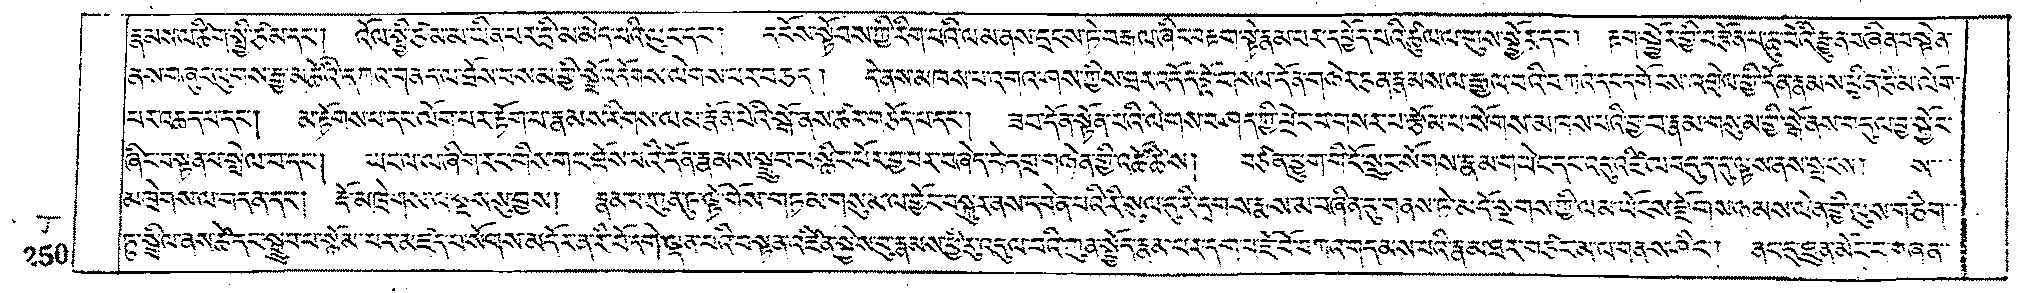རྣམས་ལ་ཚིག་སྤྱི་ཙམ་དང་། འོལ་སྤྱི་ཙམ་མ་ཡིན་པར་དྲི་མ་མེད་པའི་ལུང་དང་། དངོས་སྟོབས་ཀྱི་རིག་པའི་ལམ་ནས་དྲངས་ཏེ་བརྒལ་ཞིང་བརྟག་སྟེ་རྣམ་པར་དཔྱོད་པའི་ཚུལ་ལ་གུས་སྦྱོར་དང་། རྟག་སྦྱོར་གྱི་བརྩོན་པ་ཆུ་བོའི་རྒྱུན་བཞིན་བསྟེན་
ནས་གཞུང་ལུགས་རྒྱ་མཚོའི་དཀའ་གནད་ལ་ཐོས་བསམ་གྱི་སྒྲོ་འདོགས་ལེགས་པར་བཅད། དེ་ནས་མཁས་པ་འགའ་ཤས་ཀྱིས་ཐར་འདོད་བློ་གསལ་དོན་གཉེར་ཅན་རྣམས་ལ་རྒྱལ་བའི་བཀའ་དང་དགོངས་འགྲེལ་གྱི་དོན་རྣམས་ཕྱིན་ཅི་མ་ལོག་
པར་འཆད་པ་དང་། མ་རྟོགས་པ་དང་ལོག་པར་རྟོག་པ་རྣམས་རིགས་ལམ་རྣོན་པའི་སྒོ་ནས་ཚར་གཅོད་པ་དང་། ཟབ་དོན་སྟོན་པའི་ལེགས་བཤད་ཀྱི་ཕྲེང་བ་གསར་པ་རྩོམ་པ་སོགས་མཁས་པའི་བྱ་བ་རྣམ་གསུམ་གྱི་སྒོ་ནས་གདུལ་བྱ་སྐྱོང་
ཞིང་བསྟན་པ་སྤེལ་བ་དང་། ཡང་ལ་ལ་ཞིག་རང་གིས་གང་ཐོགས་པའི་དོན་རྣམས་སྒྲུབ་པ་སྙིང་པོར་བྱ་བར་བཞེད་དེ་དགྲ་གཉེན་གྱི་འཚོ་ཚིས། བཙན་ཕྱུག་གི་སྲུང་སོགས་རྣམ་གཡེང་དེང་འདུ་འཛི་ལ་བདུད་དུ་ལྟས་ནས་སྤངས། ས་་་
མཁྲེགས་ལ་གདན་དང་། རྡོ་མ་ཁྲེགས་ལ་སྔས་སུ་བྱས། རྣམ་པ་ཀུན་ཏུ་ལྟོ་གོས་གཏམ་གསུམ་ལ་གྱོང་བསྐུར་ནས་དབེན་པའི་རི་སུལ་དུ་རི་དྭགས་རྨས་མ་བཞིན་དུ་གནས་ཏེ་མདོ་སྔགས་ཀྱི་ལམ་ཡོངས་རྫོགས་ཉམས་ལེན་གྱི་ལུས་གཅིག་་་
ཏུ་སྒྲིལ་ནས་ཚེ་དང་སྒྲུབ་པ་སྙོམ་པར་མཛད་པ་སོགས་མདོར་ན་རི་བོ་དགེ་ལྡན་པའི་བསྟན་འཛིན་སྐྱེས་བུ་རྣམས་ཕྱི་རུ་འདུལ་བའི་གྐུན་སྤྱོད་རྣམ་པར་དག་པ་ཇོ་བོ་བཀའ་གདམས་པའི་རྣམ་ཐར་གཙང་མ་ལ་གནས་ཤིང་། ནང་དུ་ཐུན་མོང་བ་གཞན་་་